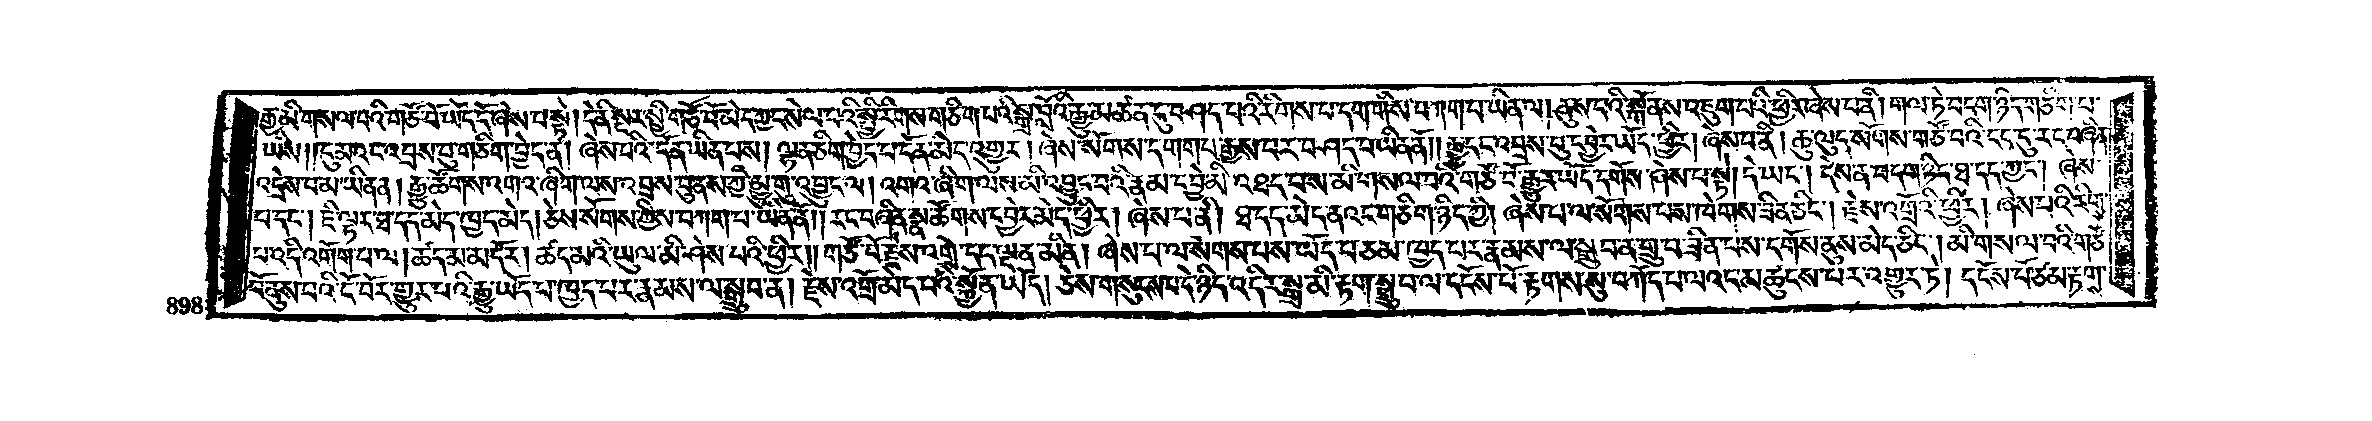རྒྱ་མི་གསལ་བའི་གཙོ་བོ་ཡོད་དོ་ཞེས་པ་སྟེ། དེ་ནི་སྔར་སྤྱི་གཙོ་བོ་མེད་ཀྱང་སེལ་བའི་སྤྱི་རིགས་གཅིག་པའི་སྒྲ་བློའི་རྒྱུ་མཚན་དུ་བཤད་པའི་རིགས་པ་དག་གིས་བཀག་པ་ཡིན་ལ། ནུས་པའི་སྒོ་ནས་འཇུག་པའི་ཕྱིར་ཞེས་པ་ནི། གལ་ཏེ་བདག་ཉིད་གཅིག་པ་
ཡིས། །དུ་མའང་འབྲས་བུ་གཅིག་བྱེད་ན། ཞེས་པའི་དོན་ཡིན་པས། ལྷག་ཅིག་བྱེད་པ་དོན་མེད་འགྱུར། ཞེས་སོགས་དགག་པ་རྒྱས་པར་བཤད་པ་ཡིན་ནོ། །རྒྱུ་དང་འབྲས་བུ་དབྱེར་ཡོད་ཕྱིར། ཞེས་པ་ནི། ཆུ་ལུད་སོགས་གཙོ་བོའི་ངང་དུ་རང་བཞིན་
འདྲེས་པ་མ་ཡིན་ན། རྒྱུ་ཚོགས་འགའ་ཞིག་ལས་འབྲས་བུ་ནས་ཀྱི་མྱུ་གུ་འབྱུང་ལ། འགའ་ཞིག་ལས་མི་འབྱུང་བའི་རྣམ་དབྱེ་མི་འཐད་པས་མི་གསལ་བའི་གཙོ་བོ་རྒྱུར་ཡོད་དགོས་ཞེས་པ་སྟེ། དེ་ཡང་། དེས་ན་བདག་ཉིད་ཐ་དད་ཀྱང་། ཞེས་
པ་དང་། ཇི་ལྟར་ཐ་དད་མེད་ཁྱད་མེད། ཅེས་སོགས་ཀྱིས་བཀག་པ་ཡིན་ན། །རང་བཞིན་སྣ་ཚོགས་དབྱེར་མེད་ཕྱིར། ཞེས་པ་ནི། ཐ་དད་མེད་ནའང་གཅིག་ཉིད་ཀྱི། ཞེས་པ་ལ་སོགས་པས་ཁེགས་ཟིན་ཅིང་། རྗེས་འགྲོ་ཕྱིར། ཞེས་པའི་རིགས་
པ་འདི་འགོག་པ་ལ། ཚད་མ་མདོར། ཚད་མའི་ཡུལ་མི་ཤེས་པའི་ཕྱིར། །གཙོ་བོ་རྗེས་འགྲོ་དང་ལྡན་མིན། ཞེས་པ་ལ་སོགས་པས་ཡོད་པ་ཙམ་ཁྱད་པར་རྣམས་ལ་སྒྲུབ་ན་གྲུབ་ཟིན་པས་དགོས་ནུས་མེད་ཅིང་། མི་གསལ་བའི་གཙོ་
བོ་ནུས་པའི་ངོ་བོར་གྱུར་པའི་རྒྱུ་ཡོད་པ་ཁྱད་པར་རྣམས་ལ་སྒྲུབ་ན། རྗེས་འགྲོ་མེད་པའི་སྐྱོན་ཡོད། ཅེས་གསུངས་པ་དེ་ཉིད་འདིར་སྒྲ་མི་རྟག་སྒྲུབ་པ་ལ་དངོས་པོ་རྟགས་སུ་བཀོད་པ་ལའང་མཚུངས་པར་འགྱུར་ཏེ། དངོས་པོ་ཙམ་རྟགས་